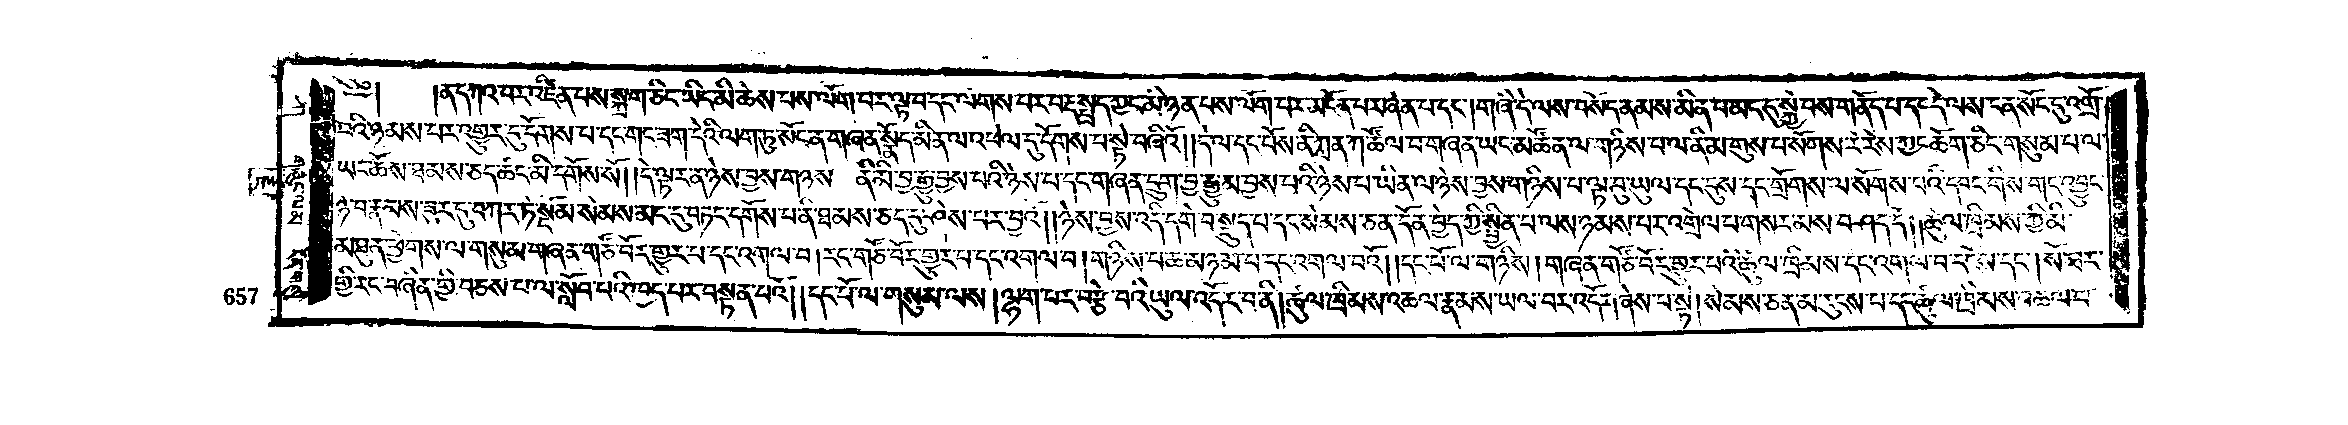༄༅། །ན་དཀའ་བར་འཛིན་པས་སྐྲག་ཅིང་ཡིད་མི་ཆེས་པས་ལོག་པར་ལྟ་བ་དང་ལེགས་པར་བརྡ་སྤྲད་ཀྱང་མི་ཉན་པས་ལོག་པར་མངོན་པར་ཞེན་པ་དང་། གཞི་དེ་ལས་བསོད་ནམས་མིན་པ་མང་དུ་སྐྱེ་བས་གནོད་པ་དང་དེ་ལས་ངན་སོང་དུ་འགྲོ་
བའི་ཉམས་པར་འགྱུར་དུ་དོགས་པ་དང་གང་ཟག་དེའི་ལག་ཏུ་སོང་ན་གཞན་སྣོད་མིན་ལ་འཕེལ་དུ་དོགས་པ་སྟེ་བཞིའོ། །དེ་ལ་དང་པོས་ནི་ཀླན་ཀ་ཚོལ་བ་གཞན་ཡང་མཚོན་ལ་གཉིས་པ་ལ་ནི་མ་གུས་པ་སོགས་རེ་རེས་ཀྱང་ཆོག་ཅིང་གསུམ་པ་ལ་
ཡང་ཆོས་ཐམས་ཅད་ཚང་མི་དགོས་སོ། །དེ་ལྟར་ན་ཉེས་བྱས་གཉིས་ནི་མི་བྱ་རྒྱུ་བྱས་པའི་ཉེས་པ་དང་གཞན་དྲུག་བྱ་རྒྱུ་མ་བྱས་པའི་ཉེས་པ་ཡིན་ལ་ཉེས་བྱས་གཉིས་པ་ལྟ་བུ་ཡུལ་དང་དུས་དང་གྲོགས་ལ་སོགས་པའི་དབང་གིས་གང་འབྱུང་
ཉེ་བ་རྣམས་ཟུར་དུ་བཀར་ཏེ་སྡོམ་སེམས་མང་དུ་བཏང་དགོས་པ་ནི་ཐམས་ཅད་དུ་ཤེས་པར་བྱའོ། །ཉེས་བྱས་འདི་དགེ་བ་སྡུད་པ་དང་སེམས་ཅན་དོན་བྱེད་ཀྱི་སྦྱིན་པ་ལས་ཉམས་པར་འགྲེལ་པ་གསར་མས་བཤད་དོ། །ཚུལ་ཁྲིམས་ཀྱི་མི་
མཐུན་ཕྱོགས་ལ་གསུམ་གཞན་གཙོ་བོར་གྱུར་པ་དང་འགལ་བ། རང་གཙོ་བོར་གྱུར་པ་དང་འགལ་བ། གཉིས་པ་ཆ་མཉམ་པ་དང་འགལ་བའོ། །དང་པོ་ལ་གཉིས། གཞན་གཙོ་བོར་གྱུར་པའི་ཚུལ་ཁྲིམས་དང་འགལ་བ་དངོས་དང་། སོ་ཐར་
གྱི་རང་བཞིན་གྱི་བཅས་པ་ལ་སློབ་པའི་ཁྱད་པར་བསྟན་པའོ། །དང་པོ་ལ་གསུམ་ལས། ལྷག་པར་བརྩེ་བའི་ཡུལ་འདོར་བ་ནི། ཚུལ་ཁྲིམས་འཆལ་རྣམས་ཡལ་བར་འདོར། ཞེས་པ་སྟེ། སེམས་ཅན་མ་རུངས་པ་དང་ཚུལ་ཁྲིམས་འཆལ་པ་